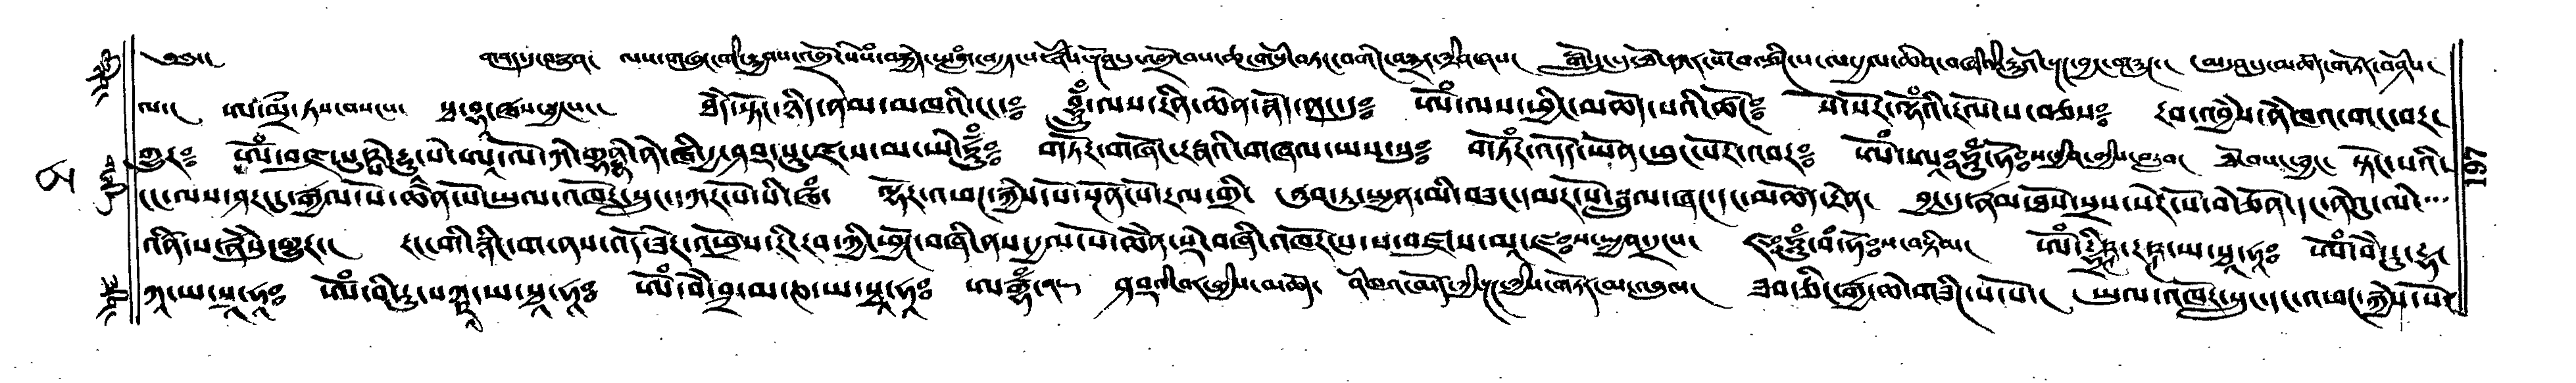གནད་དུ་བསྣུན། ལས་གཞུང་གི་སྐྱབས་འགྲོ་སེམས་བསྐྱེད་ཡན་ལག་བརྒྱད་པ་རྣམས་སྔོན་དུ་འགྲོ་བས་ཆ་གསུམ་གཏང་། བགེགས་བསྐྲད་ཟིན་ནས། སྒོ་དྲུང་དུ་ཐོ་དཀར་པོ་བརྩེགས་པ་ལ་རྒྱལ་ཆེན་བཞིའི་སྐུའམ་སྔགས་བྱང་འཛུུགས།མདུན་དུ་མཆོད་གཏོར་བཤམས་
ལ། ཨ་མྲྀ་ཏས་བསངས། སྭ་བྷ་ཝ ས་སྦྱང་། ཐམས་ཅད་སྟོང་ཉིད་ནམ་མཁའི་ངང༔ བྷྲཱུྃ་ལས་རིན་ཆེན་སྣོད་ནང་དུ༔ ཨོཾ་ལས་ཕྱི་ནང་མཆོད་པའི་ཚོགས༔ སོ་སོའི་ལྷ་མོའི་རོལ་པར་བཅས༔ རབ་འབྱམས་ནམ་མཁའ་གང་བར་
གྱུར༔ ཨོཾ་བཛྲ་པུཥྤེ་དྷུ་པེ་ཨཱ་ལོ་ཀེ་གྷནྡྷེ་ནེ་ཝི་དྱེ་ཤབྡ་པཱུ་ཛ་ས་མ་ཡེ་ཧཱུྃ༔ གཏོར་གཞོང་རཏྣའི་གཞལ་ཡས་སུ༔ གཏོར་མ་འདོད་ཡོན་ཕུང་པོར་འབར༔ ཨོཾ་ཨཱཿཧཱུྃ་ཧོཿ ས་བྱིན་གྱིས་བརླབ། ཐོ་བསང་སྦྱང་། སྟོང་པའི་
ངང་ལས་ཤར་དུ་རྒྱལ་པོ་ཆེན་པོ་ཡུལ་འཁོར་སྲུང་དཀར་པོ་པི་ཝཾ། ལྷོར་འཕགས་སྐྱེས་པོ་སྔོན་པོ་རལ་གྲི། ནུབ་ཏུ་སྤྱན་མི་བཟང་དམར་པོ་སྦྲུལ་ཞགས་དང་མཆོད་རྟེན། བྱང་དུ་རྣམ་ཐོས་སྲས་སེར་པོ་བེ་ཅོན་དང་ནེའུ་ལེ་
འཛིན་པ་རྣམས་སུ་གྱུར། རང་གི་སྙིང་ག་ནས་འོད་ཟེར་འཕྲོས་རི་རབ་ཀྱི་ཕྱོགས་བཞི་ནས་རྒྱལ་པོ་ཆན་པོ་སྡེ་བཞི་འཁོར་བཅས་བཛྲ་ས་མཱ་ཛཿ ས་སྤྱན་དྲངས། ཛཿཧཱུཾ་བཾ་ཧོཿ ས་བསྟིམ། ཨོཾ་དྷྲིཥྚ་རཥྚ་ཡ་སྭ་ཧཱཿ ཨོཾ་བཻ་རུ་དྷ་
ཀཱ་ཡ་སྭ་ཧཱཿ ཨོཾ་བི་རུ་པཀྵ་ཡ་སྭ་ཧཱཿ ཨོཾ་བཻ་ཤྲ་མ་ཎ་ཡ་སྭ་ཧཱཿ ཨ་རྒྷཾ་ནས། ཤབྡ འ ི་བར་གྱིས་མཆོད། ནམ་མཁའ་མཛོད་ཀྱི་སྔགས་ཀྱིས་གཏོར་མ་འབུལ། ཟབ་ཅིང་རྒྱ་ཆེ་གཟིགས་པ་པོ། །ཡུལ་འཁོར་སྲུང་དང་འཕགས་སྐྱེས་པོ།